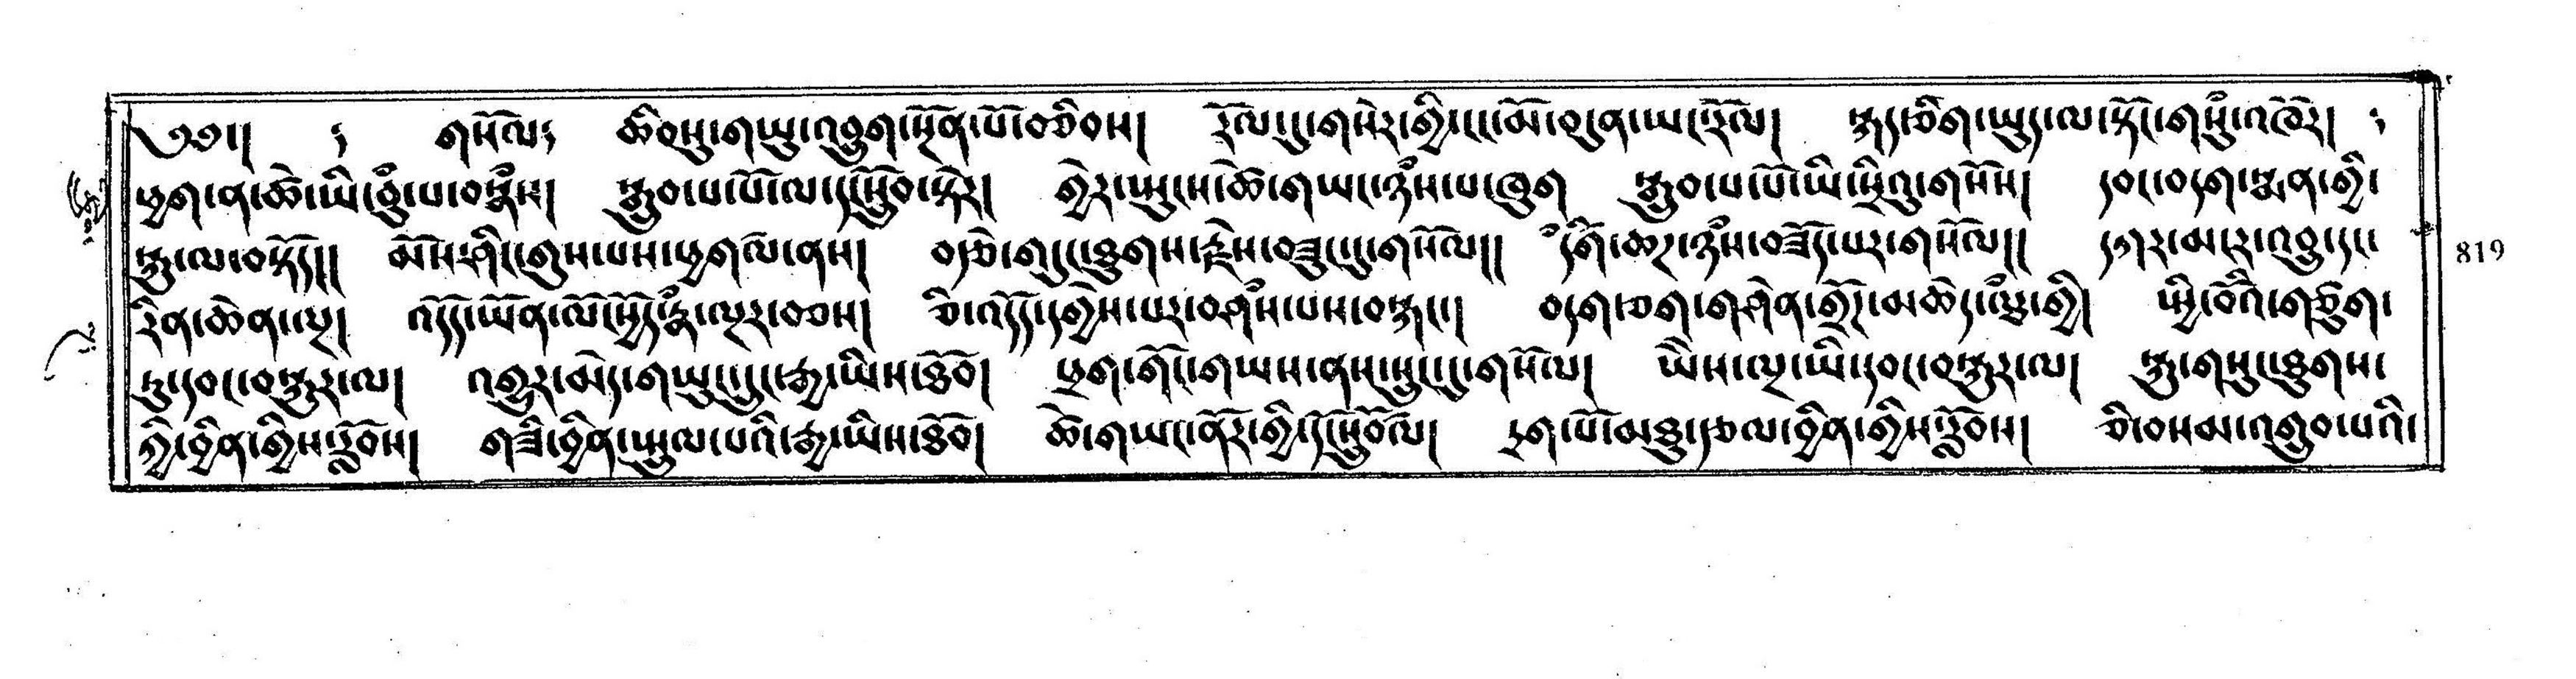གསོལ། ཆིབས་སུ་གཡུ་འབྲུག་སྔོན་པོ་བཅིབས། རོལ་དུ་གསེར་གྱི་ངང་མོ་བདུན་ཡང་རོལ། སྐད་ཅིག་ཡུད་ལ་སྟོང་གསུམ་འཁོར། 
ཕྱག་ན་ཚེ་ཡི་བུམ་པ་བསྣམས། སྒྲུབ་པ་པོ་ལ་དངོས་གྲུབ་སྟེར། གྱེར་སྤུངས་ཚེ་གཡང་ཉམས་པ་ཁུག སྒྲུབ་པ་པོ་ཡི་སྲིའུ་གསོས། དབང་བདག་སྨན་གྱི་
སྐུ་ལ་བསྟོད།། མོས་ཤིང་གུས་པས་ཕྱག་འཚལ་ནས། བརྩེ་གདུང་ཐུགས་རྗེས་བཟུང་དུ་གསོལ།། དམ་ཚིག་ཆགས་ཉམས་བཟོད་པར་གསོལ།། དཀར་མངར་འབྲུ་དང་
རིན་ཆེན་ལྔ། འདོད་ཡོན་ལོངས་སྤྱོད་རྣམ་ལྔར་བཅས། ཅི་འདོད་དགྱེས་པར་བཤམས་པས་བསྐང་། བདག་ཅག་གཤེན་གྲོགས་མཆེད་ལྕམ་གྱི། སྤྱི་བོའི་གཙུག་
ཏུ་དབང་བསྐུར་ལ། འགྱུར་མེད་གཡུང་དྲུང་རྒྱ་ཡིས་ཐོབ། ཕྲག་གོང་གཡས་ནས་སྲུང་དུ་གསོལ། ཡེ་ཤེས་ལྔ་ཡི་དབང་བསྐུར་ལ། སྐུ་གསུང་ཐུགས་
ཀྱི་བྱིན་གྱིས་རློབས། གཟི་བྱིན་སྤྲུལ་པའི་རྒྱ་ཡིས་ཐོབ། ཚེ་གཡང་ནོར་གྱི་དངོས་གྲུབ་སྩོལ། དྲག་པོ་མཐུ་རྩལ་བྱིན་གྱིས་རློབས། ཅི་བསམ་འགྲུབ་པའི་